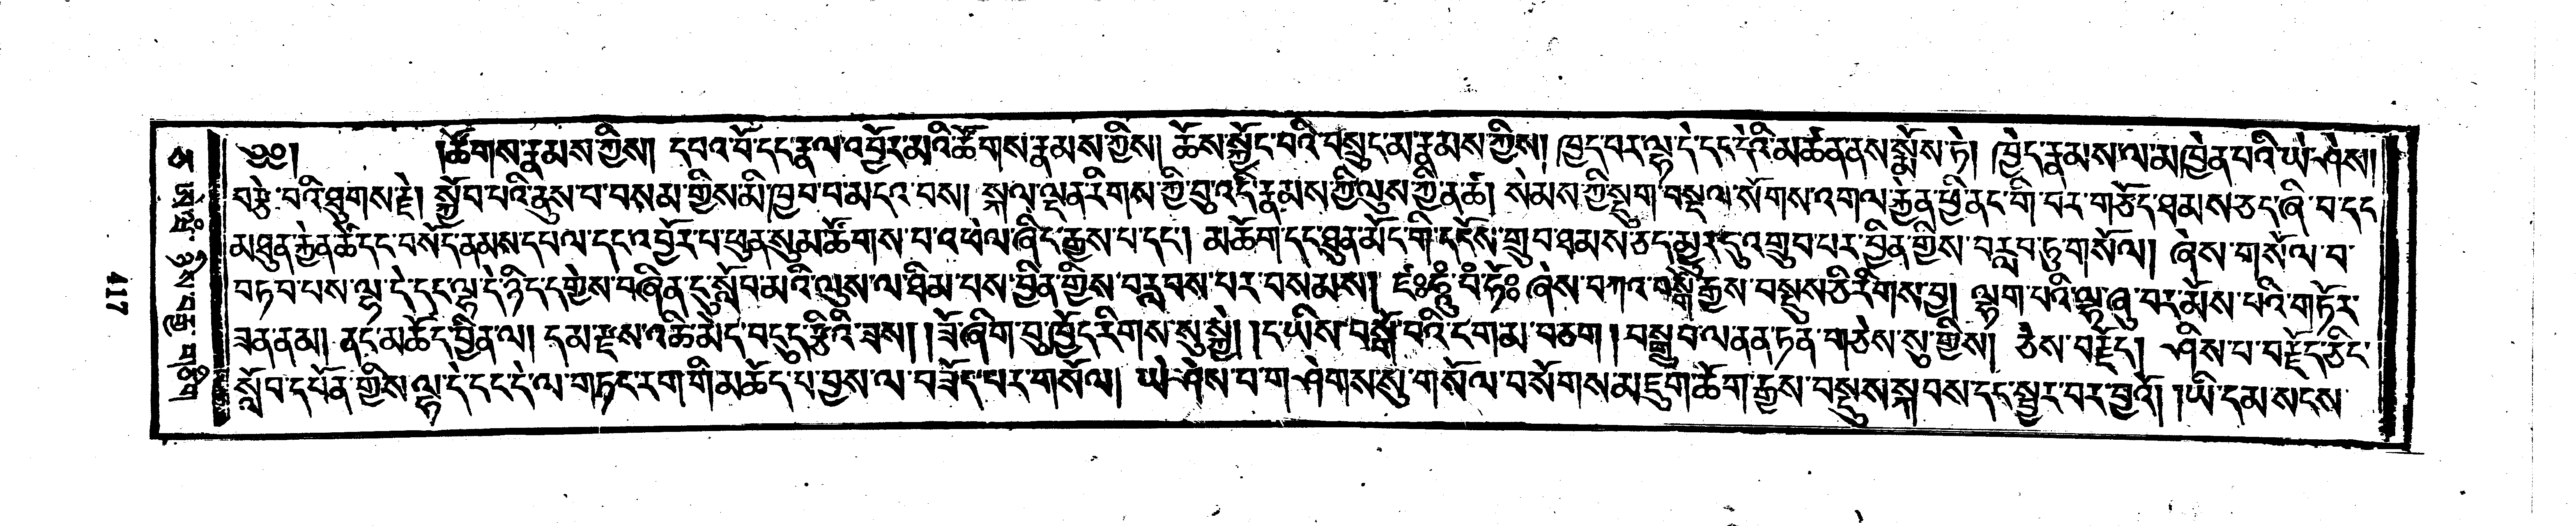༄༅། །ཚོགས་རྣམས་ཀྱིས། དཔའ་བོ་དང་རྣལ་འབྱོར་མའི་ཚོགས་རྣམས་ཀྱིས། ཆོས་སྐྱོང་བའི་བསྲུང་མ་རྣམས་ཀྱིས། ཁྱད་པར་ལྷ་དེ་དང་དེའི་མཚན་ནས་སྨོས་ཏེ། ཁྱེད་རྣམས་ལ་མཁྱེན་པའི་ཡེ་ཤེས།
བརྩེ་བའི་ཐུགས་རྗེ། སྐྱོབ་པའི་ནུས་པ་བསམ་གྱིས་མི་ཁྱབ་པ་མངའ་བས། སྐལ་ལྡན་རིགས་ཀྱི་བུ་འདི་རྣམས་ཀྱི་ལུས་ཀྱི་ན་ཚ། སེམས་ཀྱི་སྡུག་བསྔལ་སོགས་འགལ་རྐྱེན་ཕྱི་ནང་གི་བར་གཅོད་ཐམས་ཅད་ཞི་བ་དང་
མཐུན་རྐྱེན་ཚེ་དང་བསོད་ནམས་དཔལ་དང་འབྱོར་པ་ཕུན་སུམ་ཚོགས་པ་འཕེལ་ཞིང་རྒྱས་པ་དང་། མཆོག་དང་ཐུན་མོང་གི་དངོས་གྲུབ་ཐམས་ཅད་མྱུར་དུ་འགྲུབ་པར་བྱིན་གྱིས་བརླབ་ཏུ་གསོལ། ཞེས་གསོལ་བ་
བཏབ་པས་ལྷ་དེ་དང་ལྷ་དེ་ཉིད་དགྱེས་བཞིན་དུ་སློབ་མའི་ལུས་ལ་ཐིམ་པས་བྱིན་གྱིས་བརླབས་པར་བསམས། ཛཿ ཧཱུཾ་བཾ་ཧོཿ ཞེས་བཀའ་བསྒོ་རྒྱས་བསྡུས་ཅི་རིགས་བྱ། ལྷག་པའི་ལྷ་ཞུ་བར་མོས་པའི་གཏོར་
ཟན་ནམ། ནང་མཆོད་བྱིན་ལ། དམ་རྫས་འཆི་མེད་བདུད་རྩིའི་ཟས། །ཟོ་ཞིག་བུ་ཁྱོད་རིགས་སུ་སྐྱེ། །ང་ཡིས་བསྒོ་བའི་ངག་མ་བཅག །བསྒྲུབ་ལ་ནན་ཏན་གཅེས་སུ་གྱིས། ཅེས་བརྗོད། ཤིས་པ་བརྗོད་ཅིང་
སློབ་དཔོན་གྱིས་ལྷ་དེ་དང་དེ་ལ་གཏང་རག་གི་མཆོད་པ་བྱས་ལ་བཟོད་པར་གསོལ། ཡེ་ཤེས་པ་གཤེགས་སུ་གསོལ་བ་སོགས་མཇུག་ཆོག་རྒྱས་བསྡུས་སྐབས་དང་སྦྱར་བར་བྱའོ། །ཡི་དམ་སངས་